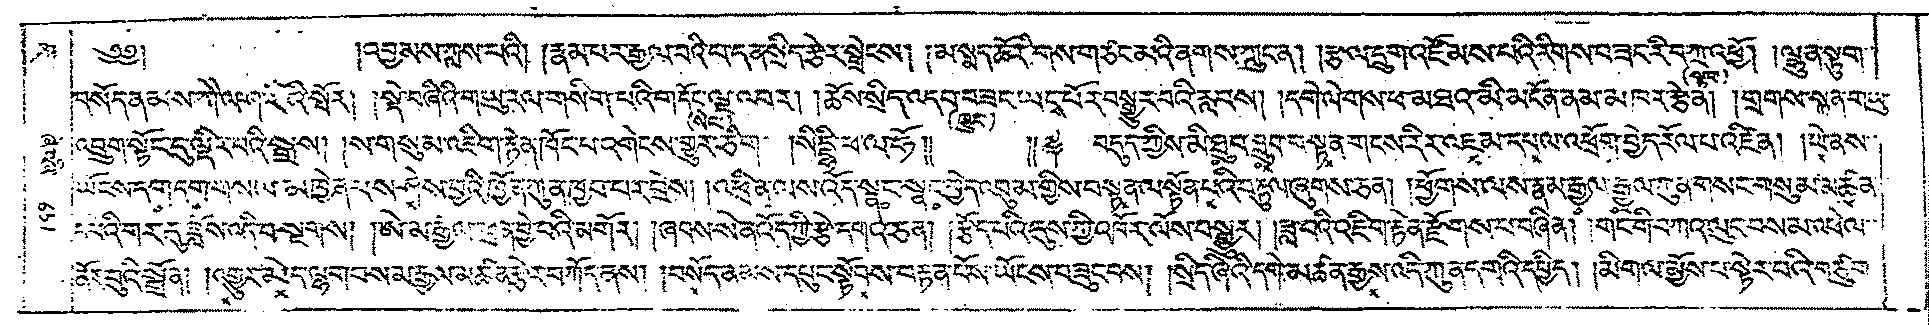༄༅། །འབྱམས་ཀླས་པའི། །རྣམ་པར་རྒྱལ་བའི་བ་དན་སྲིད་རྩེར་སྒྲེངས། །མ་སྨད་ཆོ་རིགས་གཙང་མའི་ནགས་ཀླུང་ན། །རྩལ་དྲུག་འཛོམས་པའི་རིགས་བཟང་རི་བཀྲ་སྟག་འཕྱོ། །ལྷུན་སྟུག་
བསོད་ནམས་ཀཻ་ལ་ཤ་རིའི་སྤོར། །སྡེ་བཞིའི་གཡུ་རལ་གསིག་པའི་གདོང་སེང་ལྔ་འབར། །ཆོས་སྲིད་འདབ་ཁྱུང་བཟང་ཡངས་པོར་བསྒྱུར་བའི་རླབས། །དགེ་ལེགས་ཕ་མཐའ་མི་མངོན་ནམ་མཁར་རྩེན། །གྲགས་སྙན་གཡུ་
འབྲུག་སྟོང་དུ་ལྡིར་བའི་སྒྲས། །ས་གསུམ་འཇིག་རྟེན་ཁོང་པ་འགེངས་གྱུར་ཅིག །སིདྡྷི་ཕ་ལ་ཧོ།། །། ༈ བདུད་ཀྱིས་མི་ཐུབ྾་ཐུབ྾་བསྟན་྾་གངས་རིར་འཇམ་྾་དཔལ་྾་འཕྲོག་བྱེད་རོལ་པ་འཛིན། །ཡེ་྾་ནས་
ཡོངས་དག྾་དག྾་གསལ་མཁྱེན་པས་ཤེས་྾་བྱའི་ཁྱོན་ཀུན་ཁྱབ་པར་བྲེས། །འཕྲིན་ལས་འོད་སྣང྾་སྣང྾་བྱེད་འབུམ་གྱིས་བསྟན་྾་ལ་སྟོན་པའི་བརྟུལ་ཞུགས་ཅན། །ཕྱོགས་ལས་རྣམ་རྒྱལ྾་རྒྱལ྾་྾་ཀུན་གསང་གསུམ་མཚན་྾་
དཔེའི་གར་དུ་ཟློས་འདི་བསྔགས། །ཨེ་མ་རྒྱལ་ཕྲན་བྱེ་བའི་མགོར། །ཞབས་སེན་འོད་ཀྱི་རྩེ་དགའ་ཅན། །རྩོད་པའི་དུས་ཀྱི་འཁོར་ལོས་བསྒྱུར། །ཟླ་བའི་འཇིག་རྟེན་རྫོགས་པ་བཞིན། །གང་གི་བཀའ་ལུང་བསམ་འཕེལ་
ནོར་བུའི་སྒྲོན། །འགྱུར་྾་མེད་྾་ལྷག་བསམ་རྒྱལ་མཚན་རྩེར་བཀོད་ནས། །བསོད་྾་ནམས་྾་དཔུང་སྟོབས་྾་བརྟན་པོས་ཡོངས་བཟུང་བས། །སྲིད་ཞིའི་དགེ་མཚན་རྒྱས་྾་འདི་ཀུན་དགའི་དཔྱིད། །མིག་ལ་མྱོས་པ་སྟེར་བའི་གཙུག་